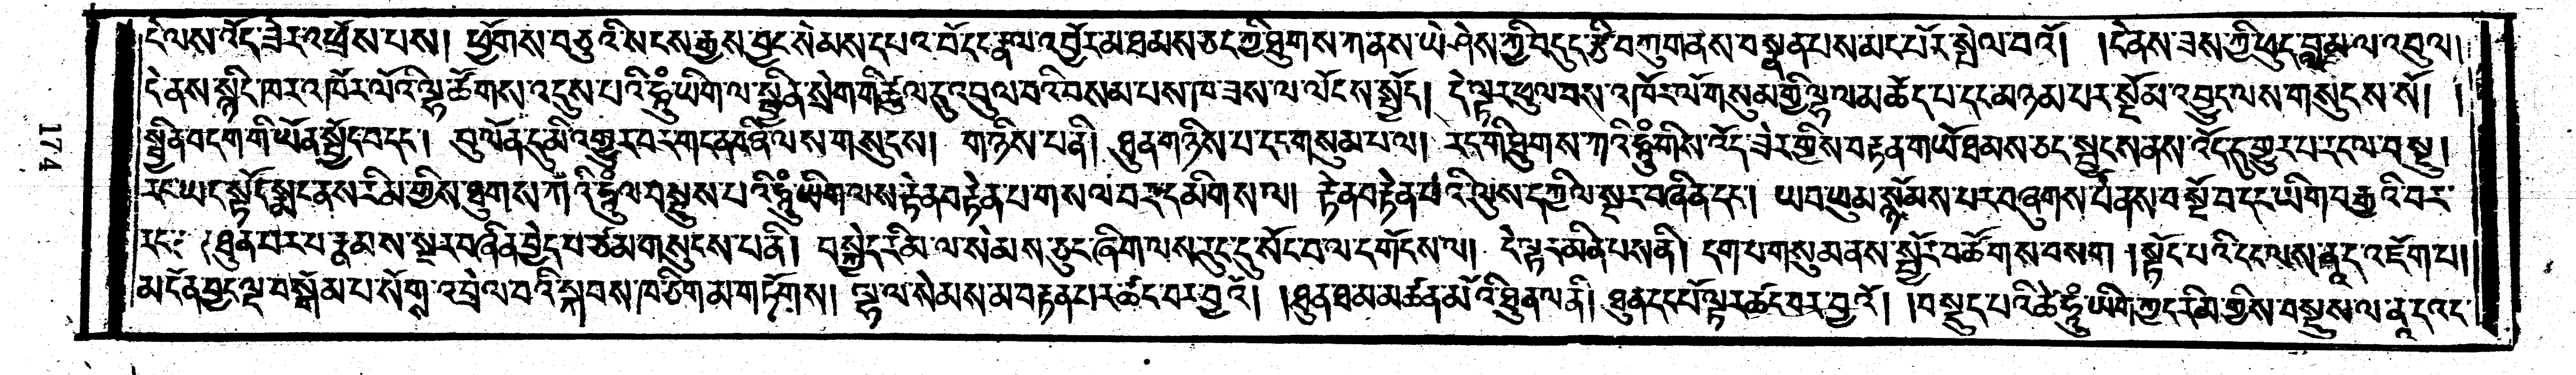དེ་ལས་འོད་ཟེར་འཕྲོས་པས། ཕྱོགས་བཅུའི་སངས་རྒྱས་བྱང་སེམས་དཔའ་བོ་དང་རྣལ་འབྱོར་མ་ཐམས་ཅད་ཀྱི་ཐུགས་ཀ་ནས་ཡེ་ཤེས་ཀྱི་བདུད་རྩི་བཀུག་ནས་བསྣན་པས་མང་པོར་སྤེལ་བའོ། །དེ་ནས་ཟས་ཀྱི་ཕུད་བླ་མ་ལ་འབུལ།
དེ་ནས་སྙིང་ཁར་འཁོར་ལོའི་ལྷ་ཚོགས་འདུས་པའི་ཧཱུཾ་ཡིག་ལ་སྤྱིན་སྲེག་གི་ཚུལ་དུ་འབུལ་བའི་བསམ་པས་ཁ་ཟས་ལ་ལོངས་སྤྱོད། དེ་ལྟར་ཕུལ་བས་འཁོར་ལོ་གསུམ་གྱི་ལྷ་ལ་མཆོད་པ་དང་མཉམ་པར་སྔོམ་འབྱུང་ལས་གསུངས་སོ། །
སྦྱིན་བདག་གི་ཡོན་སྦྱོང་བ་དང་། བུ་ལོན་དུ་མི་འགྱུར་བར་གང་ན་བཞི་ལས་གསུངས། གཉིས་པ་ནི། ཐུན་གཉིས་པ་དང་གསུམ་པ་ལ། རང་གི་ཐུགས་ཀའི་ཧཱུཾ་གིས་འོད་ཟེར་གྱིས་བརྟན་གཡོ་ཐམས་ཅད་སྦྱངས་ནས་འོད་དུ་གྱུར་པ་རང་ལ་བསྡུ།
རང་ཡང་སྟོང་སྨང་ནས་རིམ་གྱིས་ཐུགས་ཀའི་ཧཱུཾ་ལ་བསྡུས་པའི་ཧཱུཾ་ཡིག་ལས་རྟེན་བརྟེན་པ་གསལ་བར་དམིགས་ལ། རྟེན་བརྟེན་པའི་ལུས་དཀྱིལ་སྔར་བཞིན་དང་། ཡབ་ཡུམ་སྙོམས་པར་བཞུགས་པ་ནས་བསྔོ་བ་དང་ཡིག་བརྒྱའི་བར་
རང༑ ༑ཐུན་པར་པ་རྣམས་སྔར་བཞིན་བྱེད་པ་ཙམ་གསུངས་པ་ནི། བསྐྱེད་རིམ་ལ་སེམས་ཅུང་ཞིག་ལས་རུང་དུ་སོང་བ་ལ་དགོངས་ལ། དེ་ལྟར་མིན་པས་ནི། དག་པ་གསུམ་ནས་སྦྱོར་བ་ཚོགས་བསག །སྟོང་པའི་དང་ལས་ནཱ་ད་འཇོག་པ།
མངོན་བྱང་ལྔ་བསྒོམ་པ་སོགས་འབྲེལ་བའི་སྐབས་ཁ་ཅིག་མ་གཏོགས། ལྷ་ལ་སེམས་མ་བརྟན་པར་ཚང་བར་བྱའོ། །ཐུན་ཐ་མ་མཚན་མོའི་ཐུན་ལ་ནི། ཐུན་དང་པོ་ལྟར་ཚང་བར་བྱའོ། །བསྡུད་པའི་ཚེ་ཧཱུཾ་ཡིག་ཀྱང་རིམ་གྱིས་བསྡུས་ལ་ནཱ་དའང་